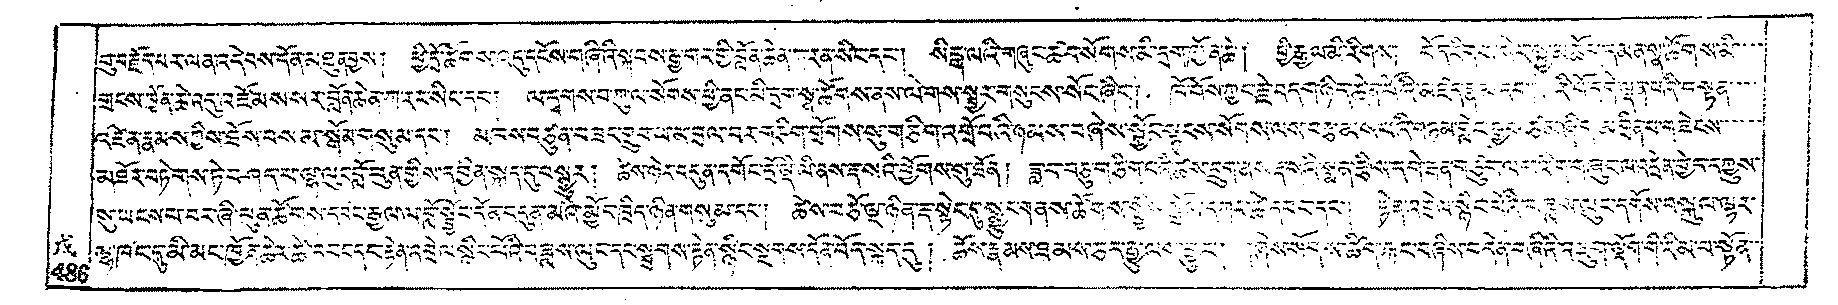བུ་བརྗོད་པར་ལན་འདེབས་དོན་མཐུན་བྱས། ཕྱི་དྲོ་ཚོགས་འདུ་དངོས་གཞིའི་སྐབས་རྒྱ་གར་གྱི་བློན་ཆེན་ཀ་རན་སིང་དང་། སིངྒ་ལའི་གཞུང་ཚབ་སོགས་མི་དྲག་ཁྱོན་ཆེ། ཕྱི་རྒྱལ་མི་རིགས། བོད་རིགས་སེར་སྐྱ་མཆོག་དམན་སྣ་ཚོགས་མི་
གྲངས་ཁྱོན་ཆེ་འདུ་འཛོམས་སར་བློན་ཆེན་ཀ་རང་སིང་དང་། ལ་དྭགས་བ་ཀུ་ལ་སོགས་ཕྱི་ནང་མི་དྲག་སྣ་ཚོགས་ནས་ལེགས་སྦྱར་གསུངས་སོང་ཞིང་། ཁོ་བོས་ཀྱང་རྗེ་བདག་ཉིད་ཆེན་པོའི་མཛད་རྣམ་དང་། རི་བོ་དགེ་ལྡན་པའི་བསྟན་
འཛིན་རྣམས་ཀྱིས་ཐོས་བསམ་སྒོམ་གསུམ་དང་། མཁས་བཙུན་བཟང་གྲུབ་ཡ་མ་བྲལ་བར་གཅིག་གྲོགས་སུ་གཅིག་འགྲོ་བའི་ཉམས་བཞེས་སྐྱོང་སྟངས་སོགས་ལས་བརྩམས་པའི་གཏམ་གླེང་རྒྱས་ཙམ་ཞིག་མགྲིན་པ་གཟེངས་
མཐོར་བཏེགས་ཏེ་བཤད་པ་ལྷ་ལུང་བློ་ཕུན་གྱིས་དབྱིན་སྐད་དུ་བསྒྱུར། ཚེས་ཉེར་བདུན་དགོང་དྲོ་ལྡི་ལི་ནས་རྡ་སའི་ཕྱོགས་སུ་ཐོན། ཟླ་བ་བཅུ་གཅིག་པའི་ཚེས་དྲུག་ནས་རྡ་སའི་སྨན་རྩིས་དགེ་རྒན་གཙུག་ལག་རིག་གཞུང་ལ་འདྲེན་བྱེད་དཀྱུས་
སུ་ཡངས་པ་བར་ཞི་ཕུན་ཚོགས་དབང་རྒྱལ་ལ་བློ་སྦྱོང་དོན་བདུན་མའི་མྱོང་ཁྲིད་ཉིན་གསུམ་དང་། ཚེས་བཅོ་ལྔ་ཉིན་རྡ་སྟེང་དུ་སྨྱུང་གནས་ཚོགས་སྤྱིས་སྒྲོལ་དཀར་ཚེ་དབང་དང་། རྟེན་འབྲེལ་སྙིང་པོའི་བཟླས་ལུང་དགོས་བསྐུལ་ལྟར་
ལྷ་ཁང་དུ་མི་མང་ཁྱོན་ཆེར་ཚེ་དབང་དང་རྟེན་འབྲེལ་སྙིང་པོའི་བཟླས་ལུང་དང་སྦྲགས་རྟེན་སྙིང་སྔགས་དོན་བོད་སྐད་དུ། ཆོས་རྣམས་ཐམས་ཅད་རྒྱུ་ལས་བྱུང་། །ཞེས་སོགས་ཚིག་རྐང་བཞིས་བདེན་བཞིའི་འཇུག་ལྡོག་གི་རིམ་པ་སྟོན་